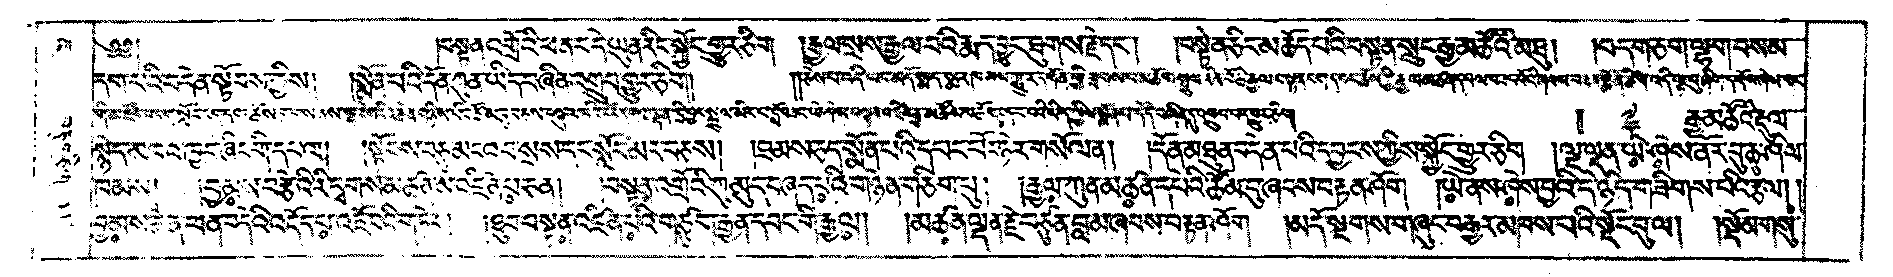༄༅། །བསྟན་འགྲོའི་ཕན་བདེ་ཡུན་རིང་སྐྱོང་གྱུར་ཅིག །རྒྱལ་སྲས་རྒྱལ་བའི་རྨད་བྱུང་ཐུགས་རྗེ་དང་། །བསྟེན་ཅིང་མཆོད་པའི་བསྟན་སྲུང་རྒྱ་མཚོའི་མཐུ། །བདག་ཅག་ལྷག་བསམ་
དག་པའི་བདེན་སྟོབས་ཀྱིས། །སྨོན་པའི་དོན་ཀུན་ཡིད་བཞིན་འགྲུབ་གྱུར་ཅིག ། །།ཅེས་པ་འདི་ཡང་མདོ་སྨད་སྨར་ཁམས་ཀླུར་དགོན་གྱི་གྲགས་པ་མཆོག་སྤྲུལ་རིན་པོ་ཆེ་རྒྱལ་བསྟན་ངག་དབང་ཆོས་ཀྱི་རྒྱལ་མཚན་དཔལ་བཟང་པོའི་ཞབས་བརྟན་སྨོན་ཚིག་འདི་ལྟ་བུ་ཞིག་དགོས་ཞེས་གང་
གི་མཛོད་པ་དགེ་སློང་ངག་དབང་ཆོས་གྲགས་ནས་ལྷ་རེག་རིན་ཆེན་གཉིས་པའི་ཚོམ་བུ་བཅས་བསྐུལ་བའི་ངོར་དགའ་ལྡན་ཁྲི་བྱང་སྤྲུལ་མིང་པ་བློ་བཟང་ཡེ་ཤེས་བསྟན་འཛིན་རྒྱ་མཚོས་མཆོག་ཏུ་དང་བའི་ཡིད་ཀྱིས་སྨོན་པ་དེ་དེ་བཞིན་དུ་འགྲུབ་པར་གྱུར་ཅིག ། །། ༈ རྒྱ་མཚོའི་རྡུལ་
སྙེད་མཁའ་ཁྱབ་ཞིང་གི་དཔལ། །སྟོབས་བཅུ་མངའ་བ་སྲས་དང་སློབ་མར་བཅས། །ཐམས་ཅད་སྨོན་པའི་དཔང་པོར་ཉེར་གསོལ་ན། །དོན་མཐུན་བདེན་པའི་དབྱངས་ཀྱིས་སྐྱོང་གྱུར་ཅིག །ལྔ་ལྡན་ཡེ྾་ཤེས྾་ནོར་བུ་ཆུ་ཤེལ་
ཁམས། །བྱམས྾་བརྩེའི་རི་དྭགས་མཚན་མ་འཛིན྾་པ་ཅན། །བསྟན྾་འགྲོའི་ཀུ་མུད་བཞད྾་པའི་གཉེན་གཅིག་པུ། །རྒྱལ྾་ཀུན་མཚན྾་དཔེའི་ཚོམ་བུ་ཞབས་བརྟན་ཤོག །ཡེ྾་ནས་ཤེས྾་བྱའི་དེ་ཉིད་གཟིགས་པའི་རྩལ྾། །
བྱམས྾་ཆེན་ཕན་བདེའི་འདོད་པ྾་འཇོ་བའི་གཏེར། །ཐུབ་བསྟན྾་འཛིན྾་པའི་གཙུག་རྒྱན་དབང་གི་རྒྱལ྾། །མཚན྾་ལྡན་རྗེ་བཙུན་བླ་མ་ཞབས་བརྟན་ཤོག །མདོ་སྔགས་གཞུང་བརྒྱར་མཁས་པའི་སྡོང་བུ་ལ། །སྡོམ་གསུཾ་